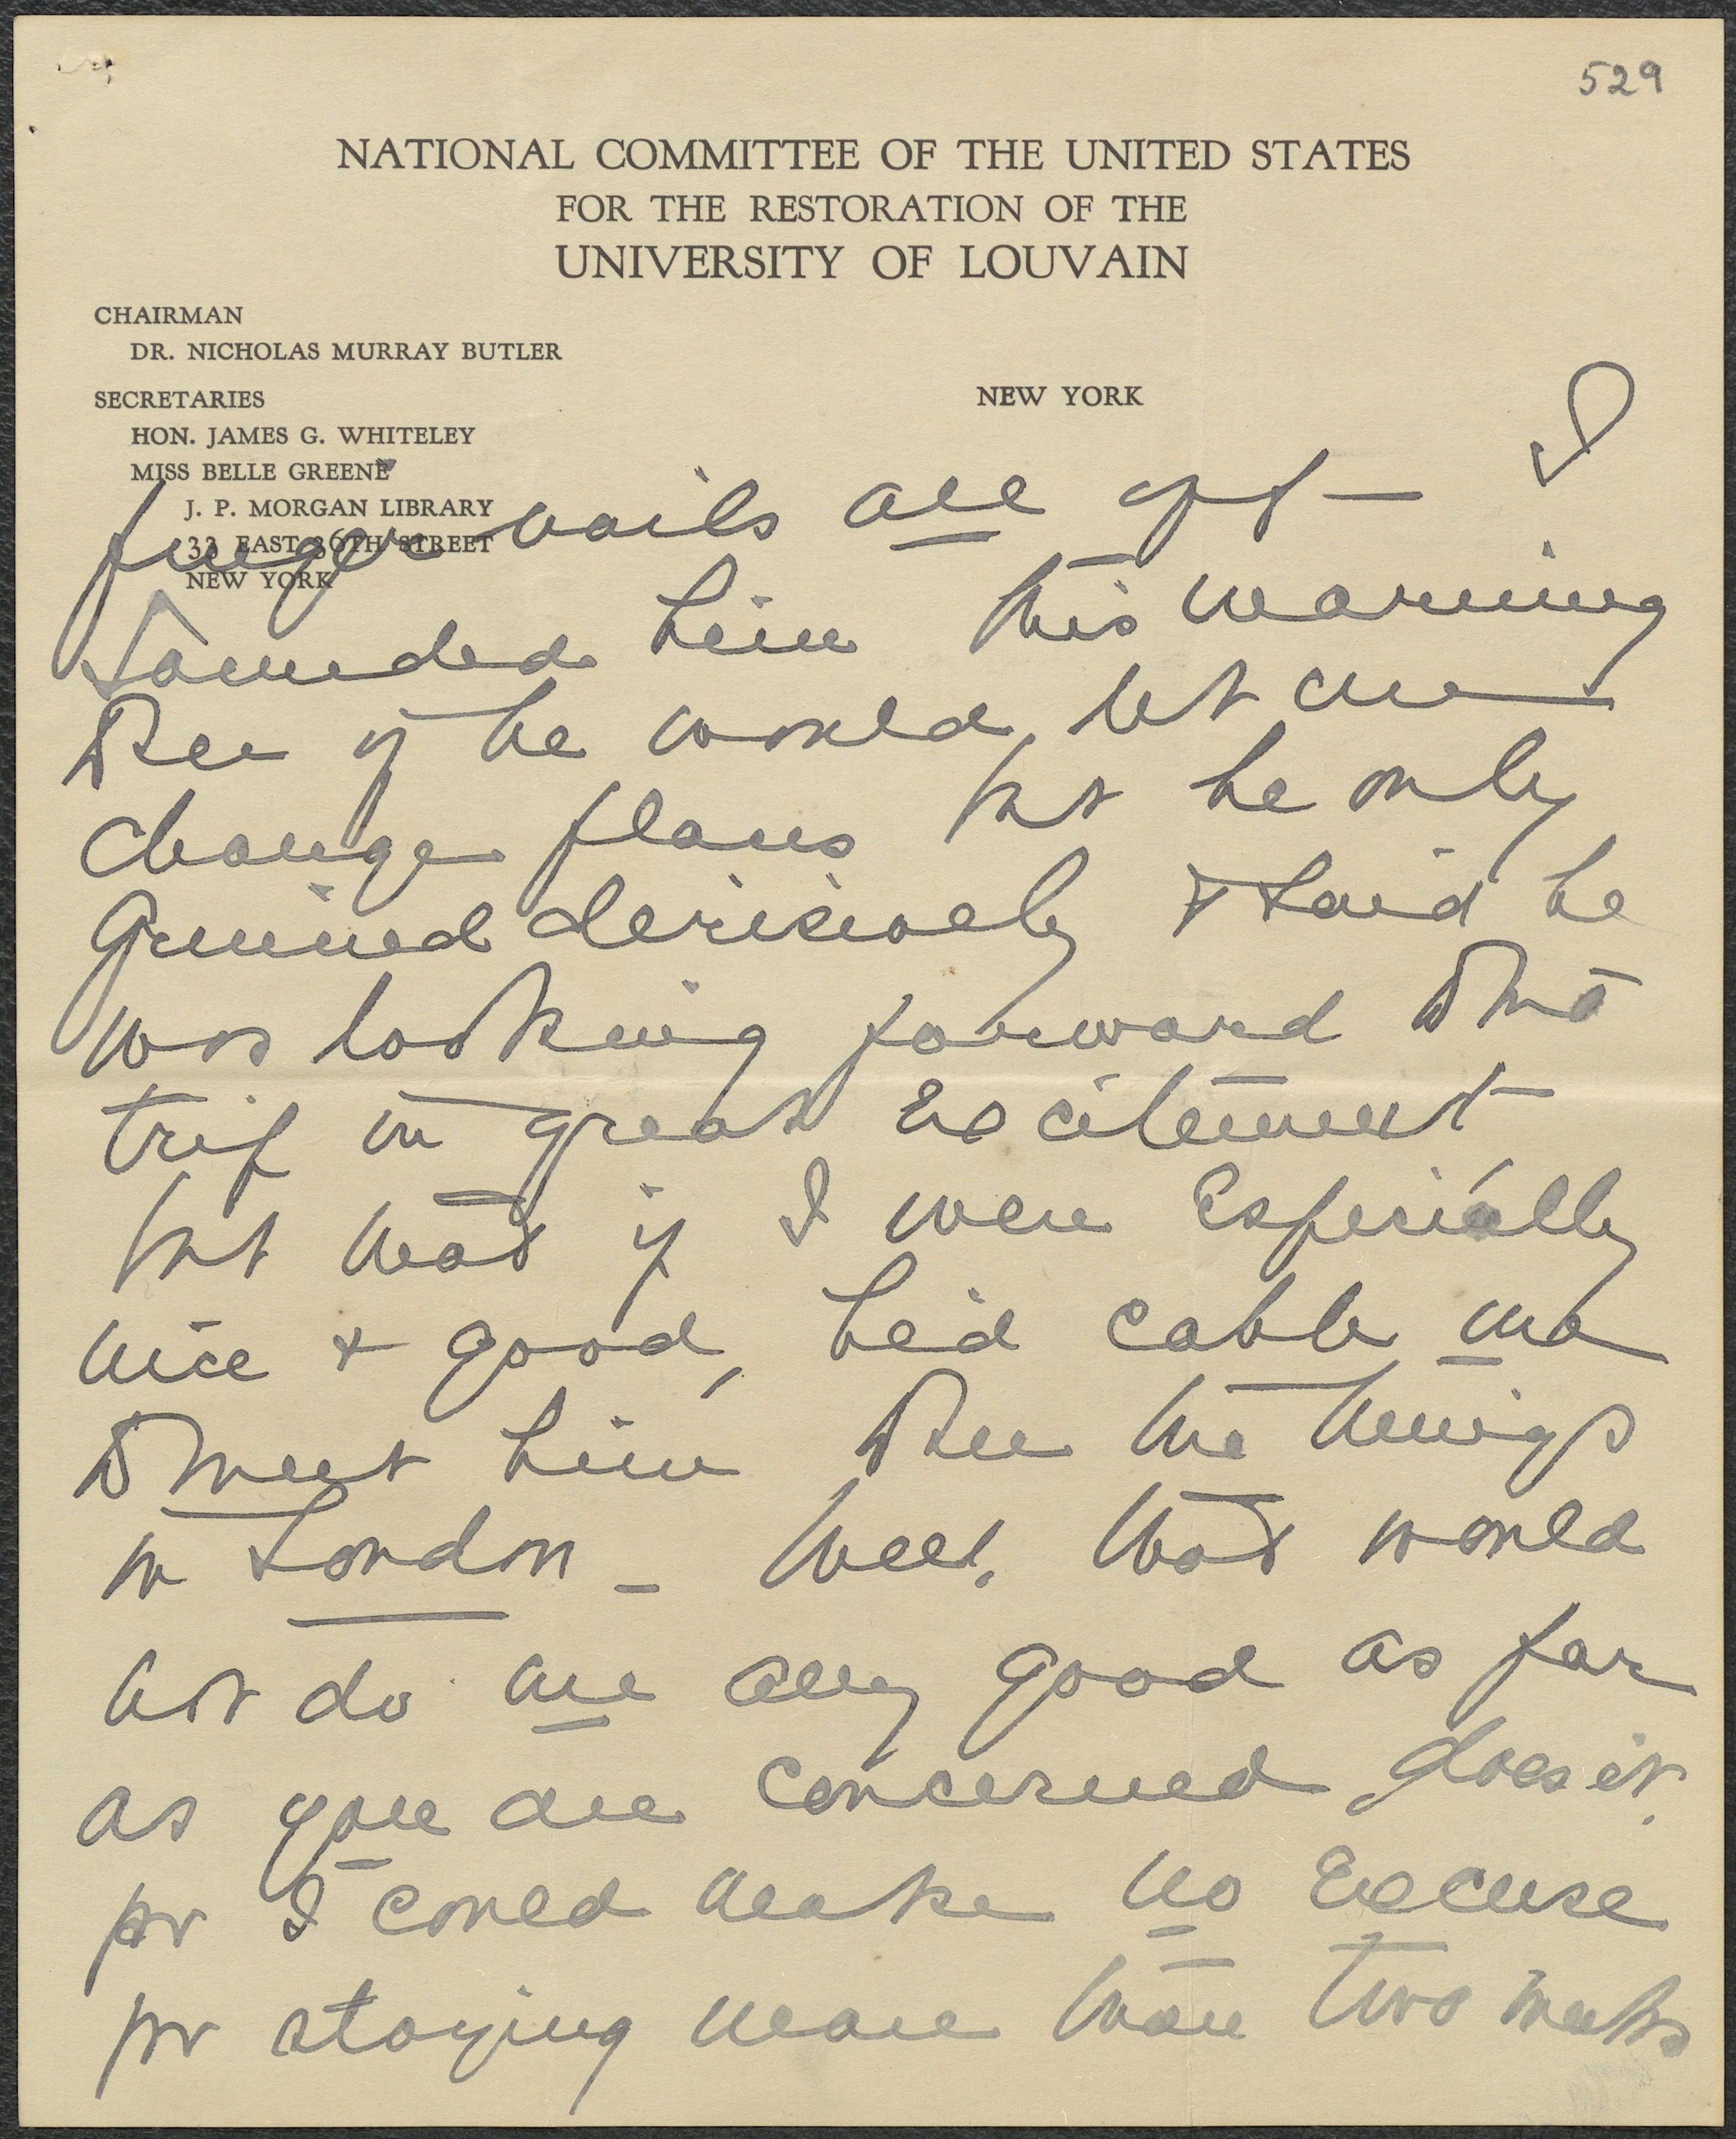fingernails all off – I sounded him this morning to see if he would let me change plans but he only grinned derisively & said he was looking forward to the trip in great excitement but that if I were especially nice & good, he’d call me to meet him to see the things in London – well, that would not do me any good as far as you are concerned does it for I could make no excuse for staying more than two weeks